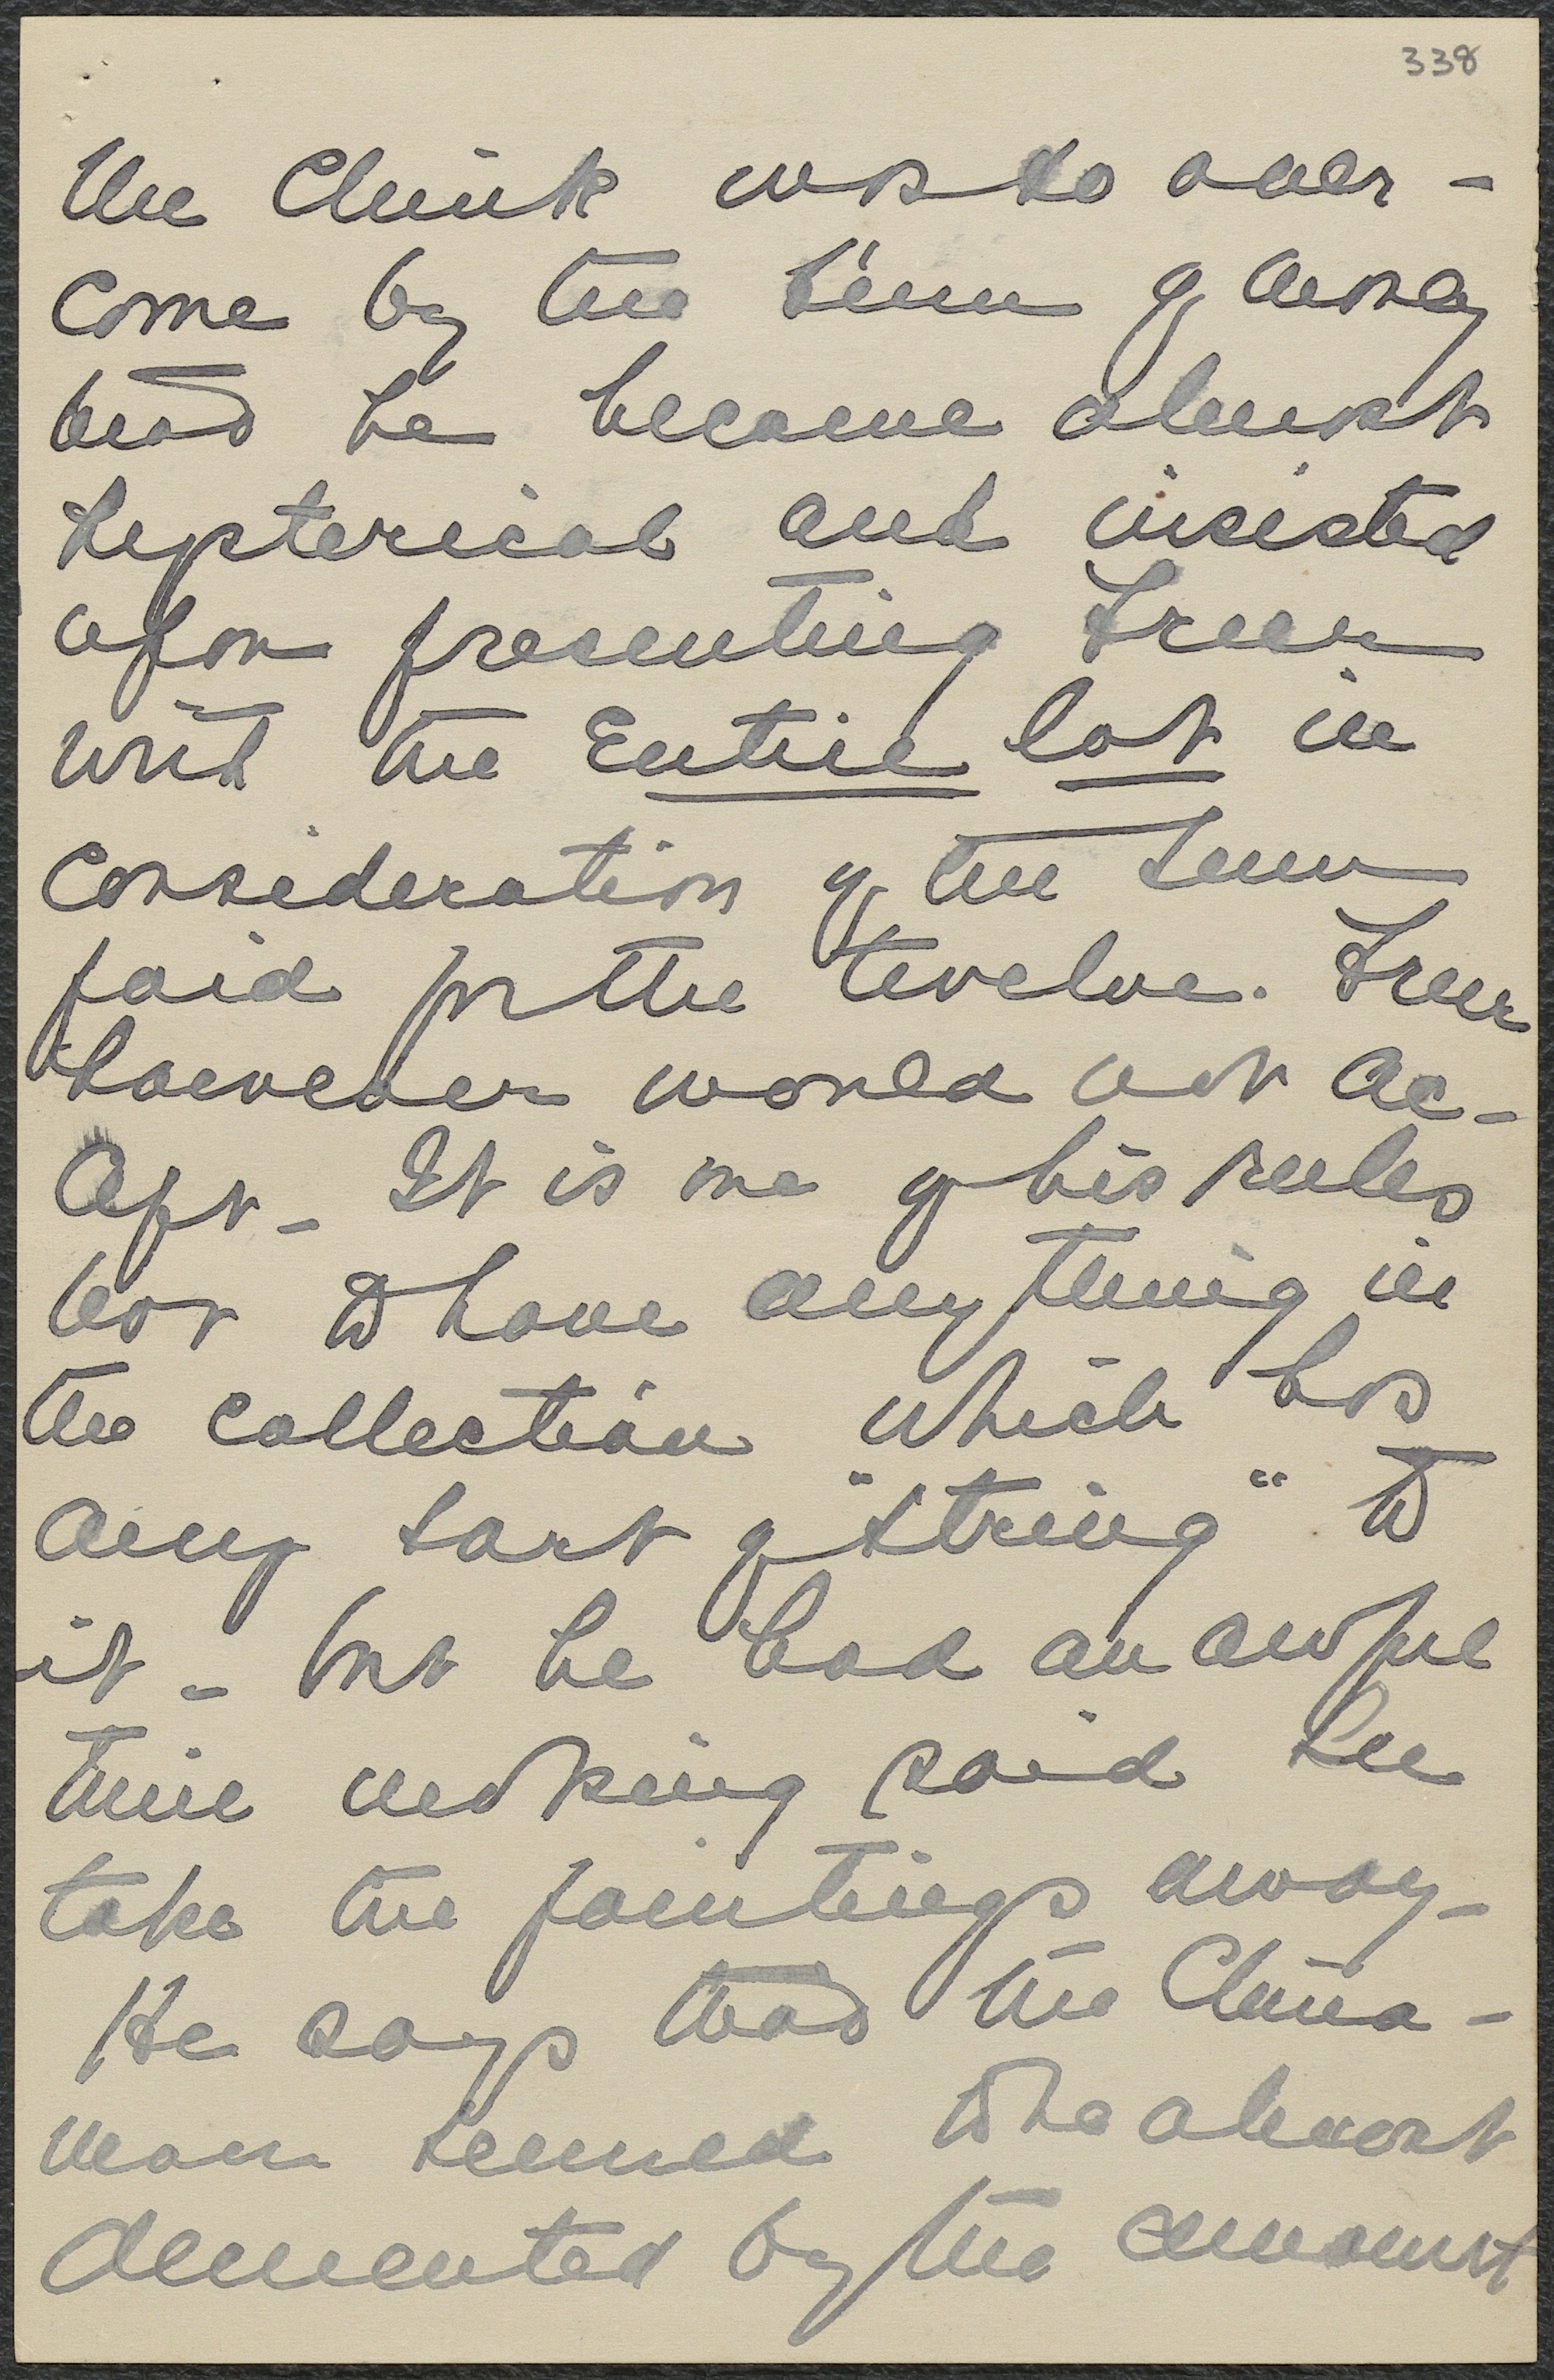The chink was so overcome by the sum of money that he became almost hysterical and insisted upon presenting Freer with the entire lot in consideration of the sum paid for the twelve. Freer however would not accept – It is one of his rules not to have anything in the collection which has any sort of “string” to it – but he has an awful time making said Lee take the paintings away – He says that the Chinaman seemed to be almost demented by the amount